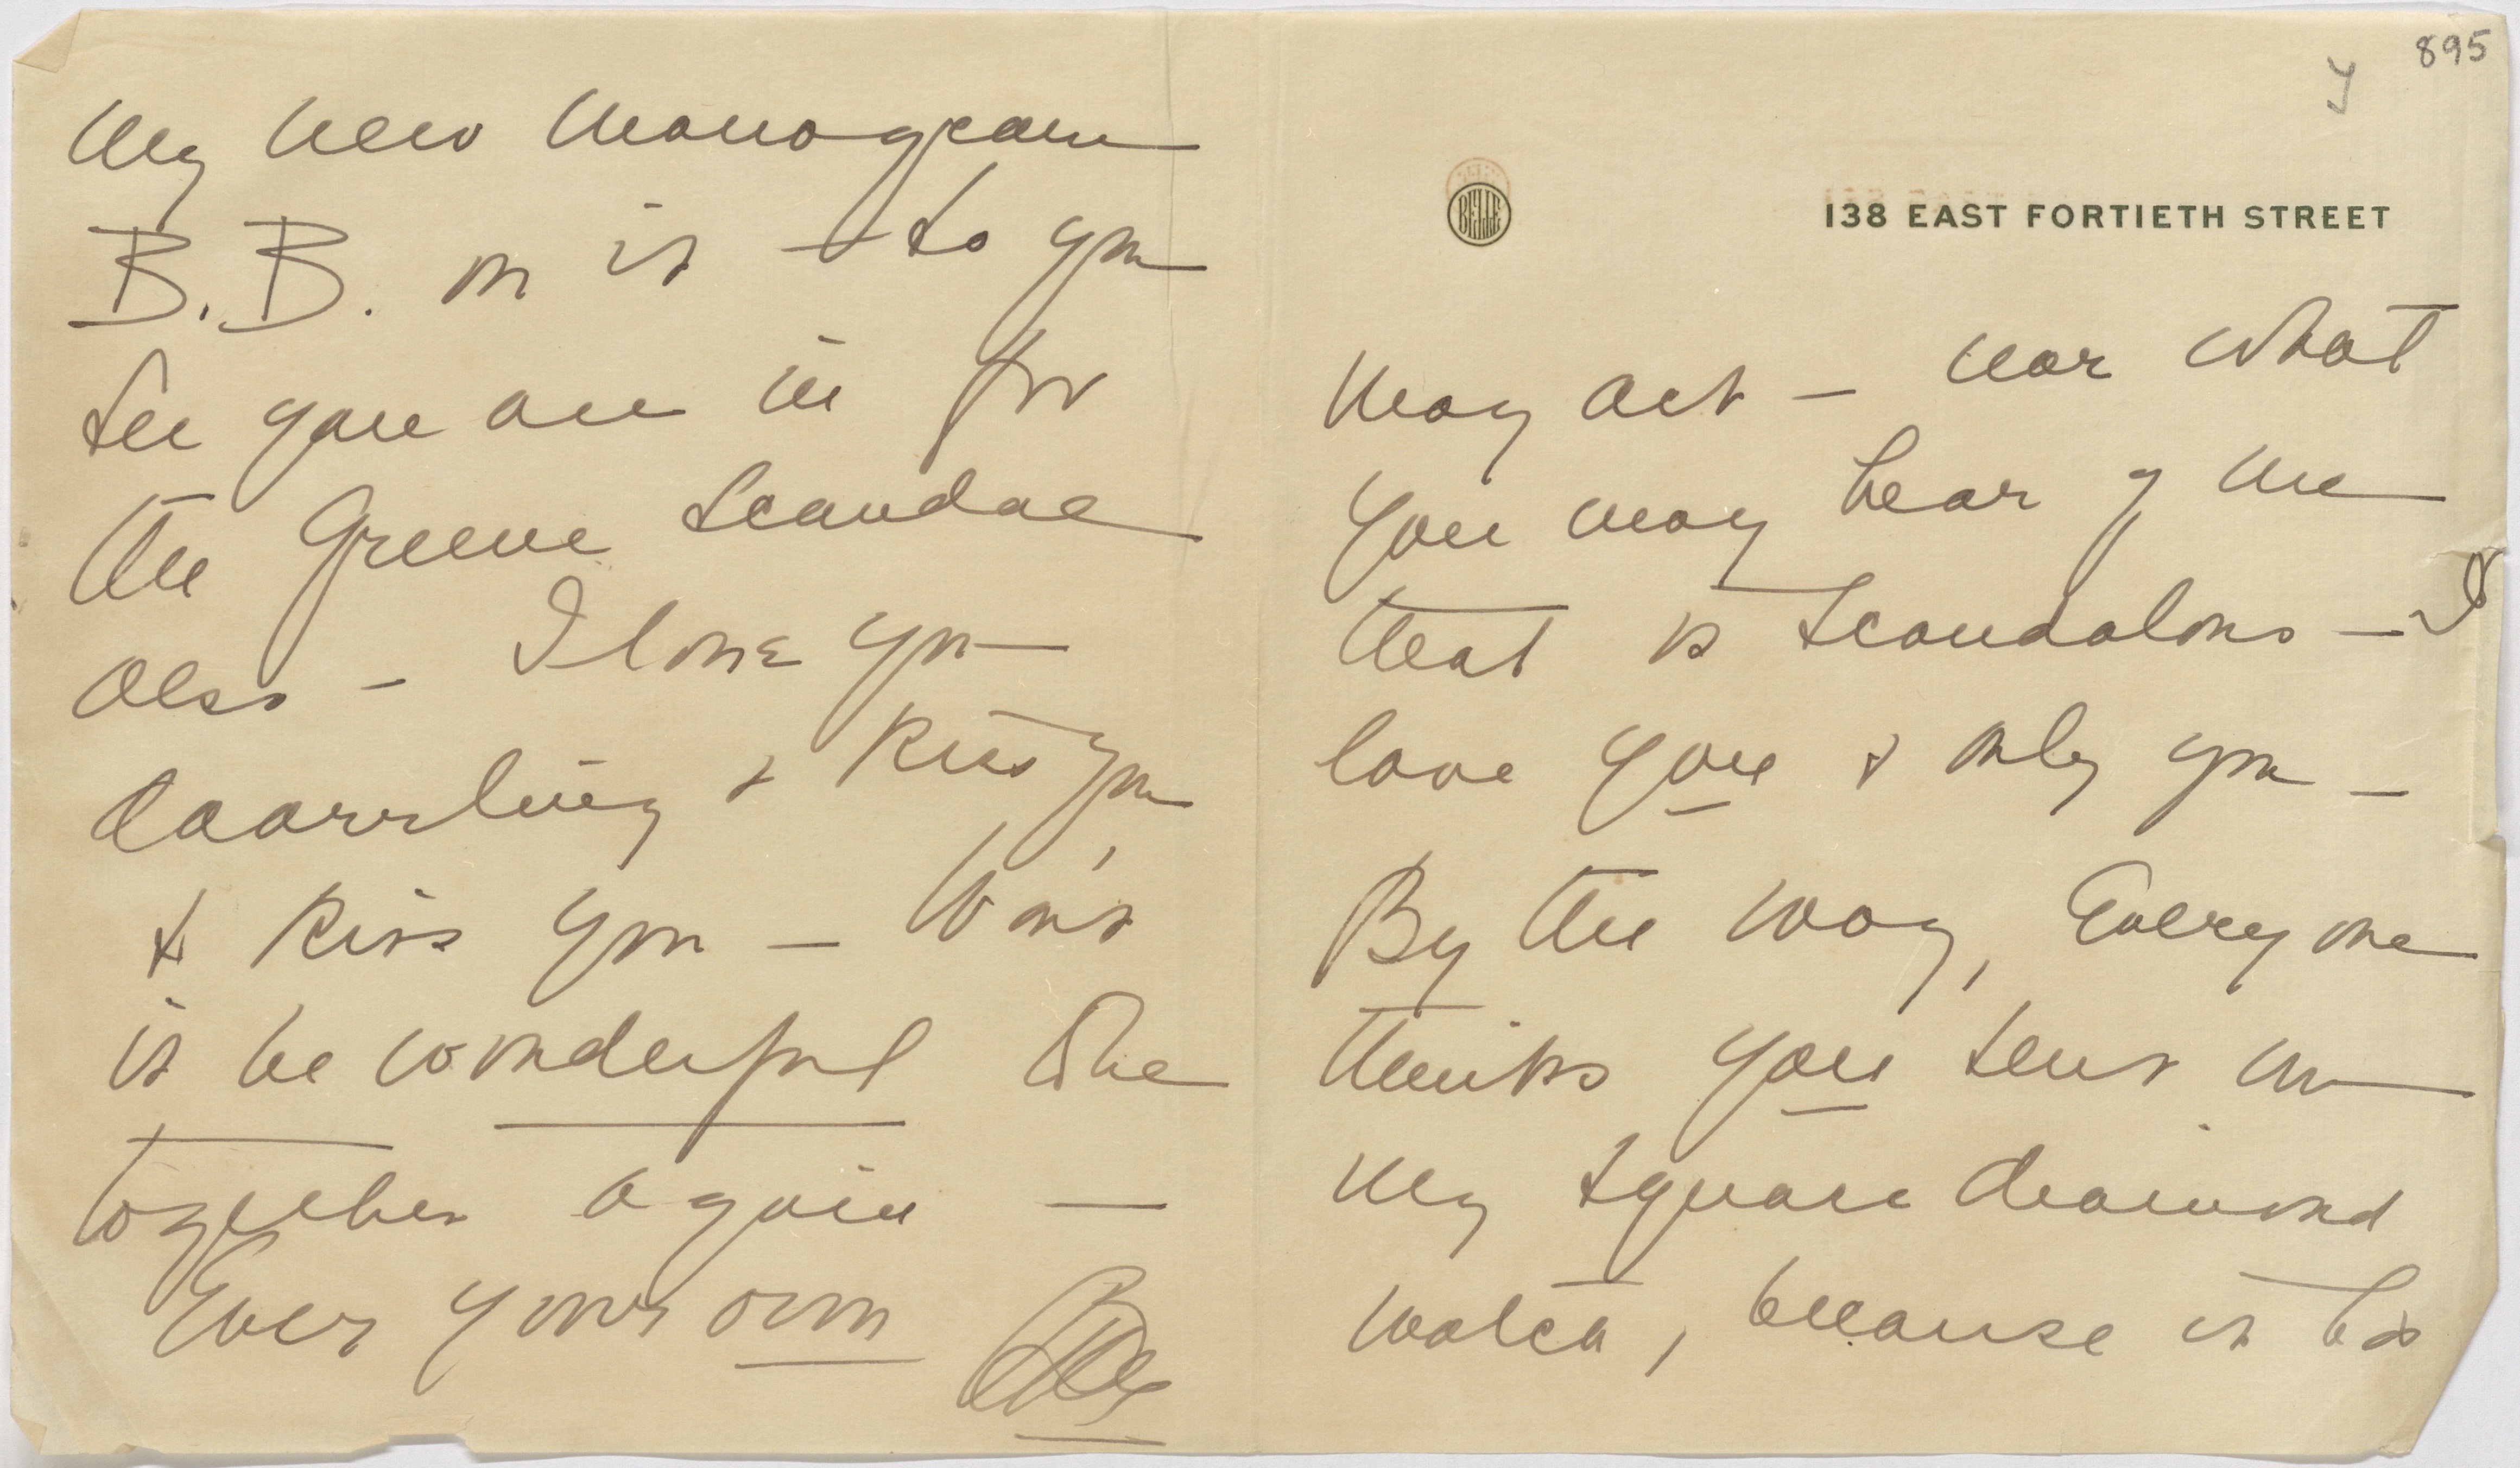may act – nor what you may hear of me that is scandalous – I love you & only you – By the way, everyone thinks you sent me my square diamond watch, because it has
my new monogram B. B. on it – so you see you are in for the Greene Scandal also – I love you – daarrling & kiss you & kiss you – Won’t it be wonderful to be together again –
Ever your own
Belle